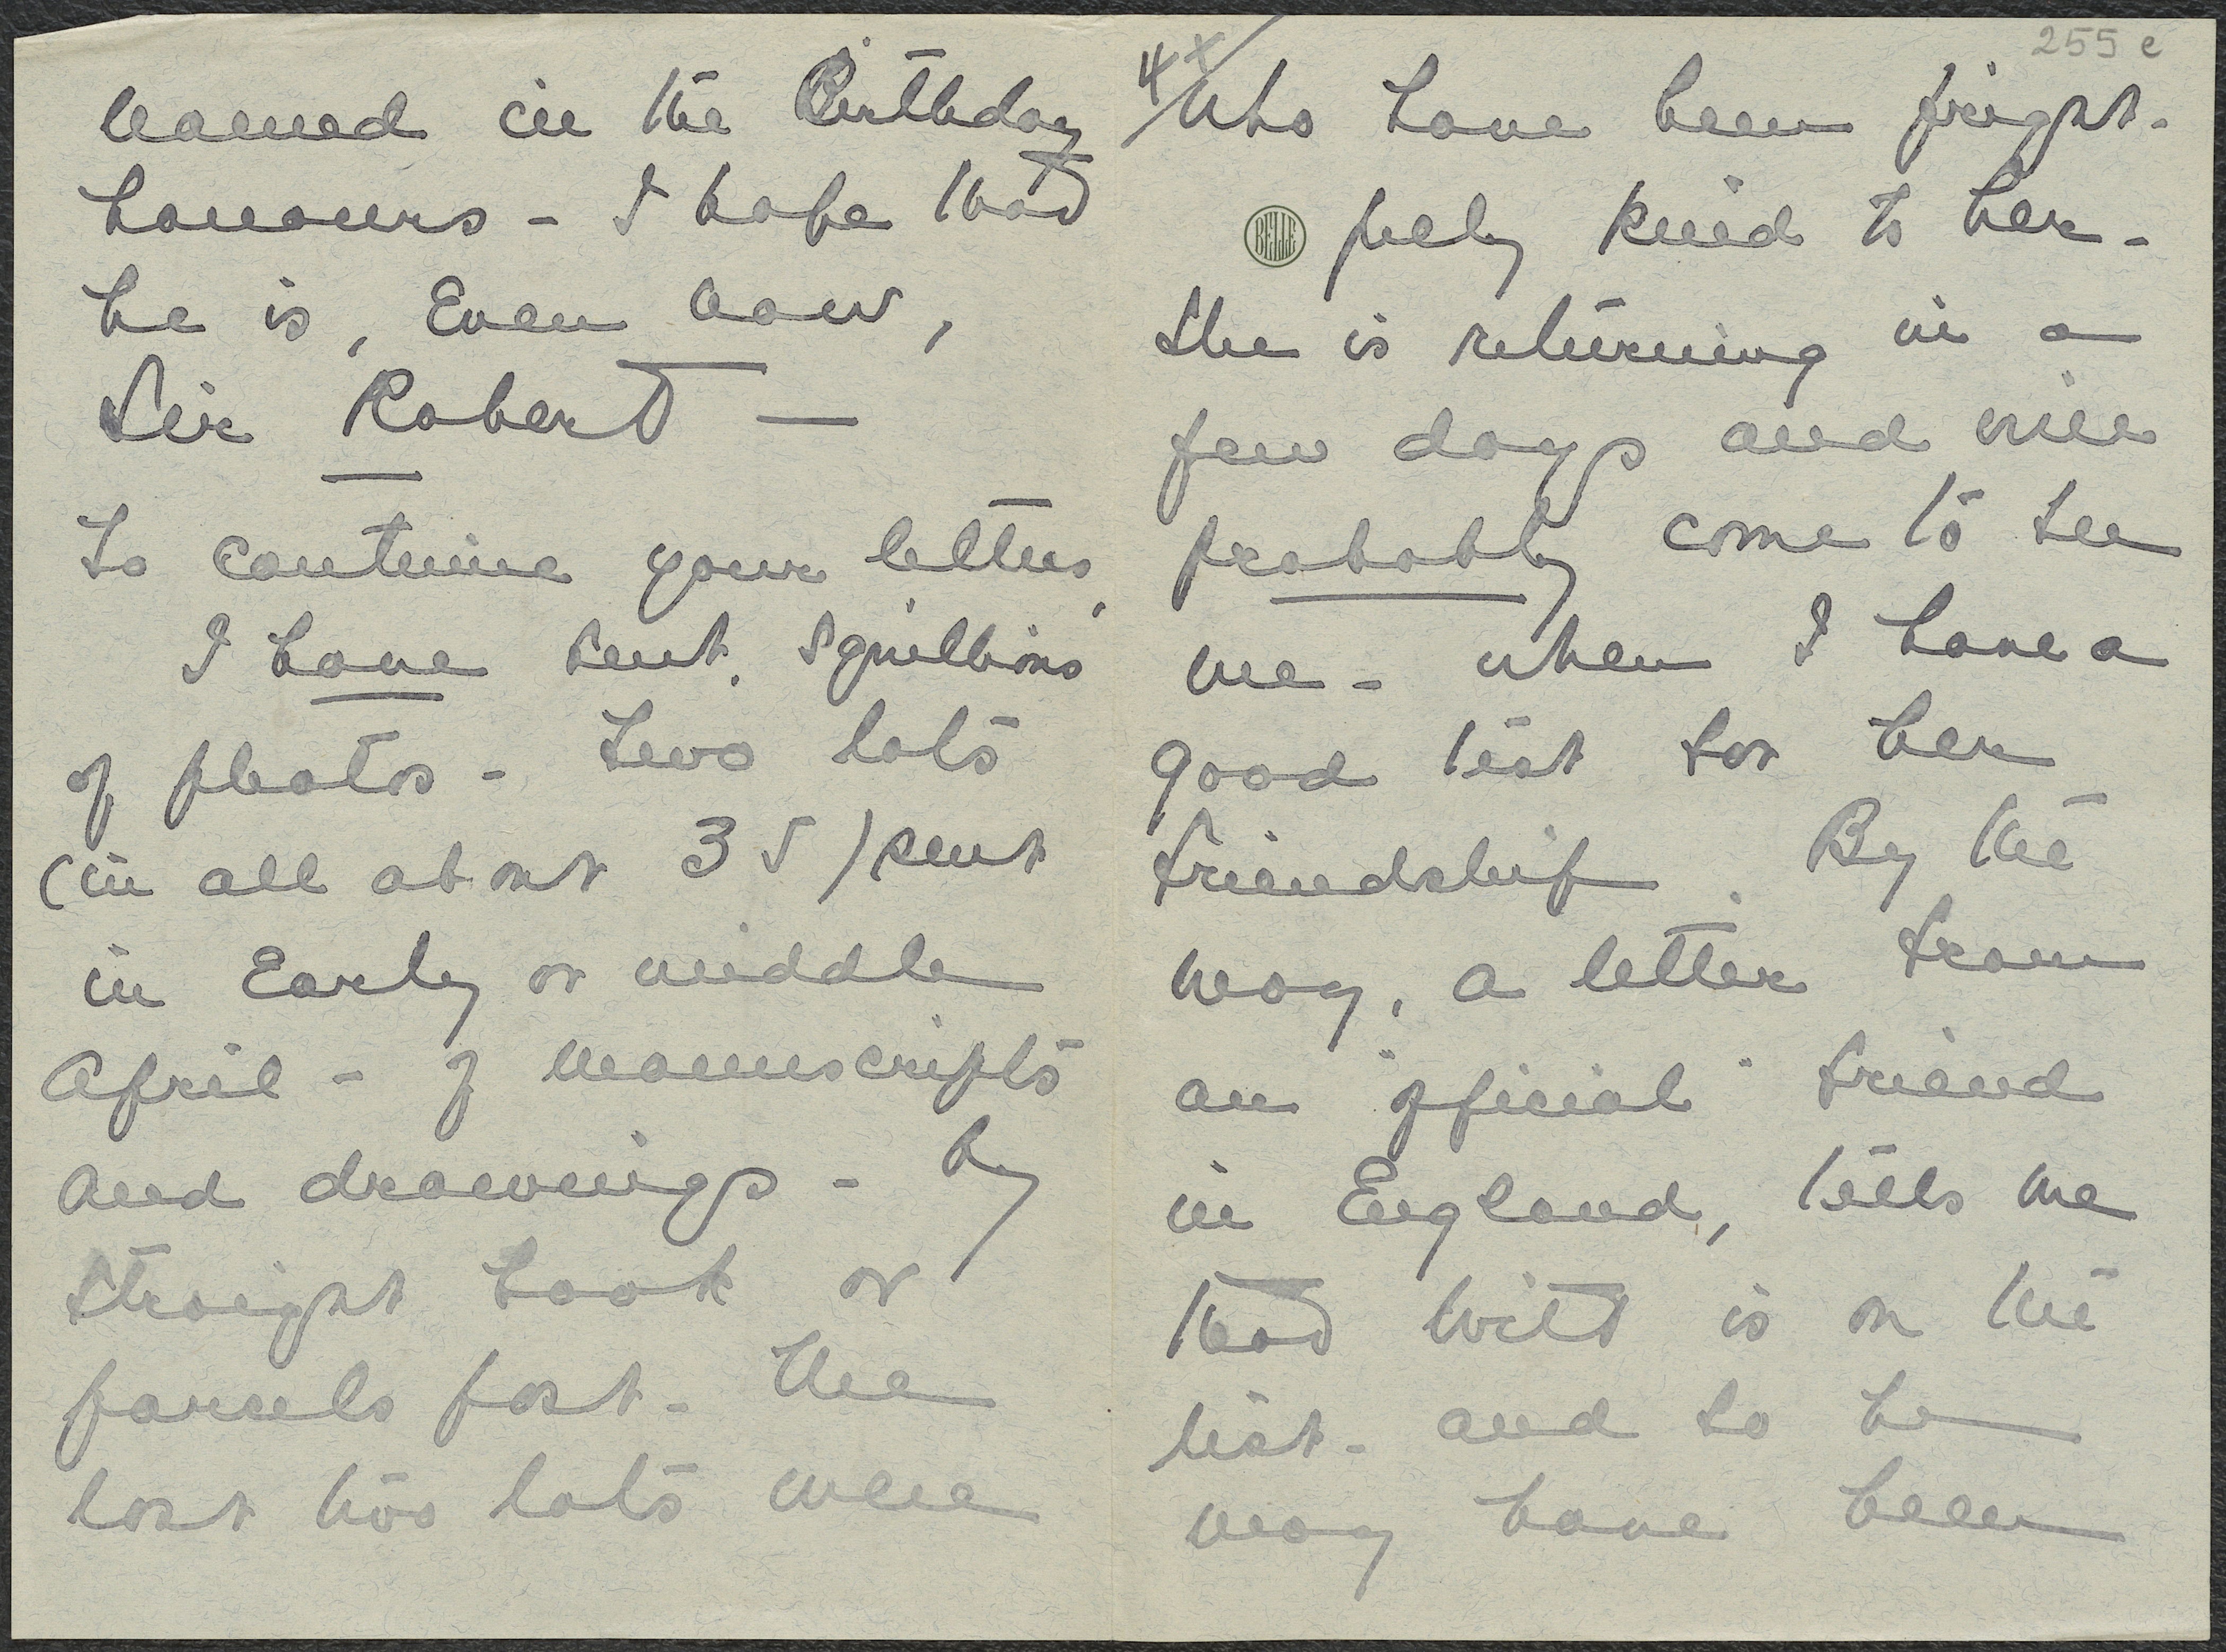4+/
who have been frightfully kind to her – She is returning in a few days and will probably come to see me – when I have a good test for her friendship. By the way, a letter from an “official” friend in England, tells me that Witt is on the list – and so he may have been
named in the Birthday honours – I hope that he is, even now, Sir Robert –
To continue your letters,
I have sent Squillions of photos – Two lots (in all about 35) sent in early or middle April – of manuscripts and drawings – by straight book or parcels post – The last two lots were